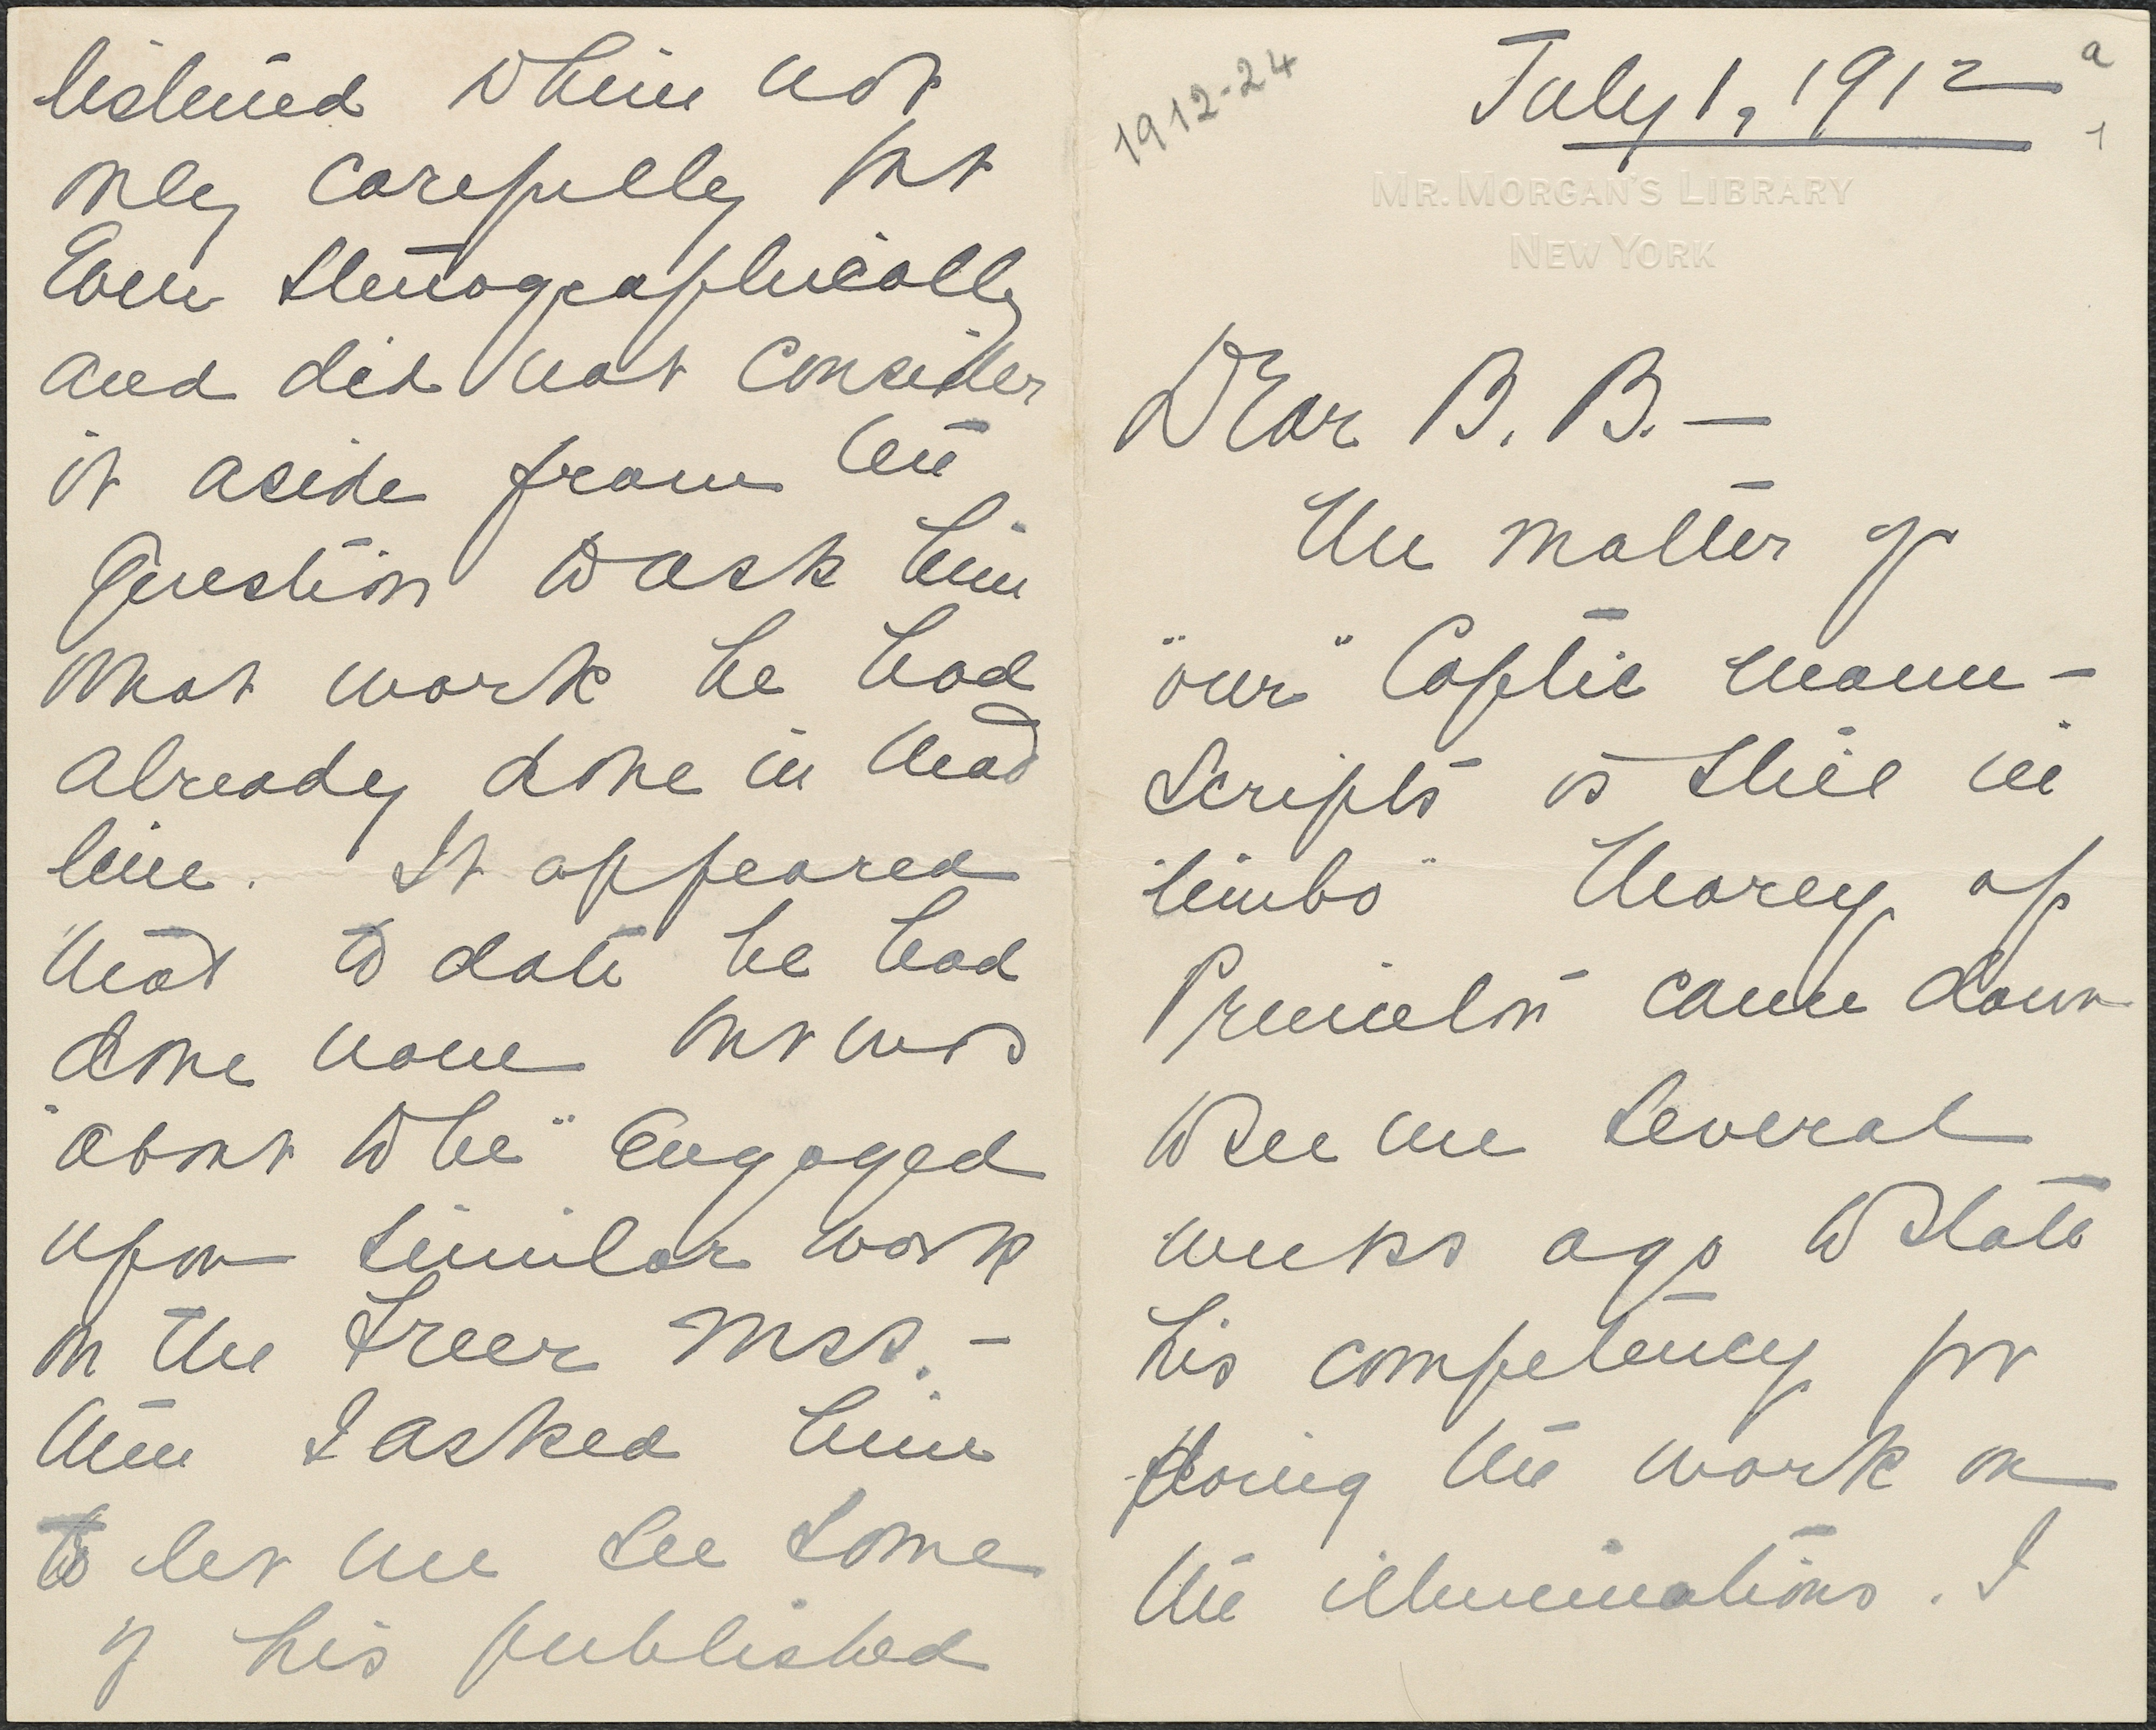Monday, July 1, 1912
Dear B. B. –
The matter of “our” Coptic manuscripts is still in “limbo” Morey of Princeton came down to see me several weeks ago to state his competency for doing the work on the illuminations. I
listened to him not only carefully but ever stenographically and did not consider it aside from the question to ask him what work he had already done in that line. It appeared that to date he had done none but was “about to be” engaged upon similar work on the Freer MSS then I asked him to let me see some of his published